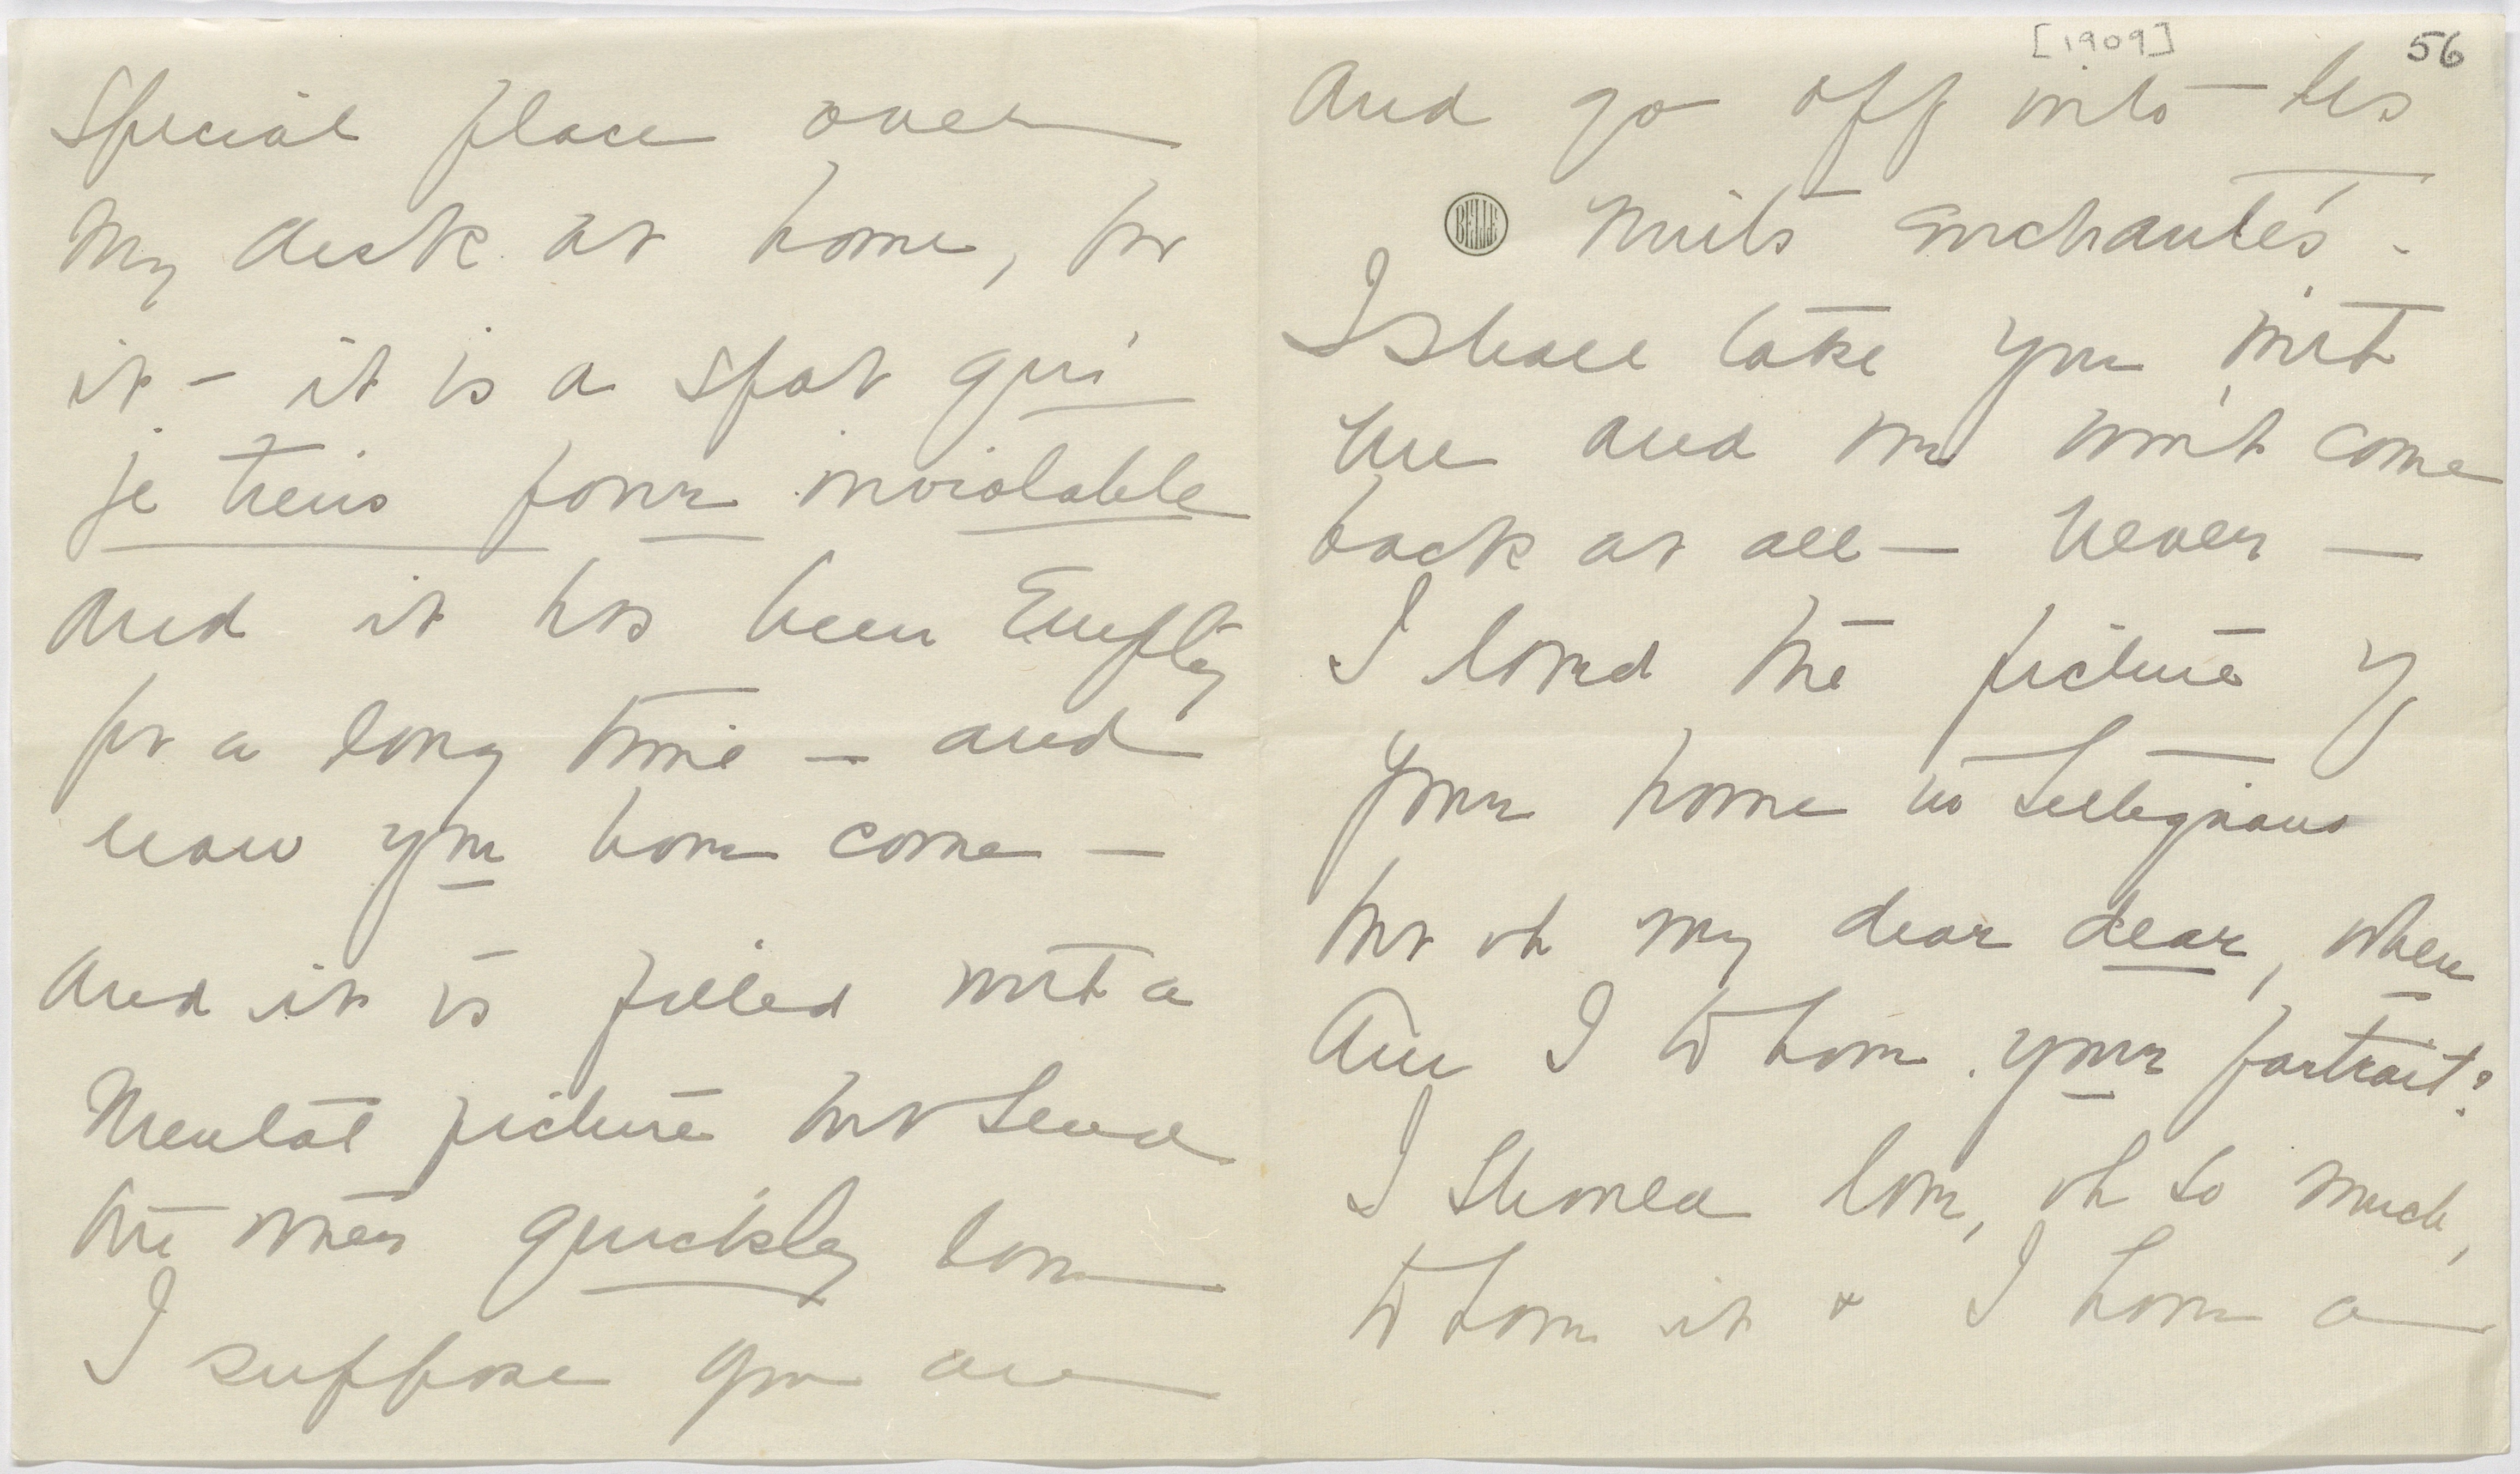and go off into les nuits enchantés. I shall take you with me and we won’t come back at all – never – I loved the picture of your home in Settignano but oh my dear dear, when am I to have your portrait? I should love, oh so much, to have it & I have a
special place over my desk at home, for it – it is a spot qui je tiens pour inviolable and it has been empty for a long time – and now you have come – and it is filled with a mental picture but send the other quickly love
I suppose you are